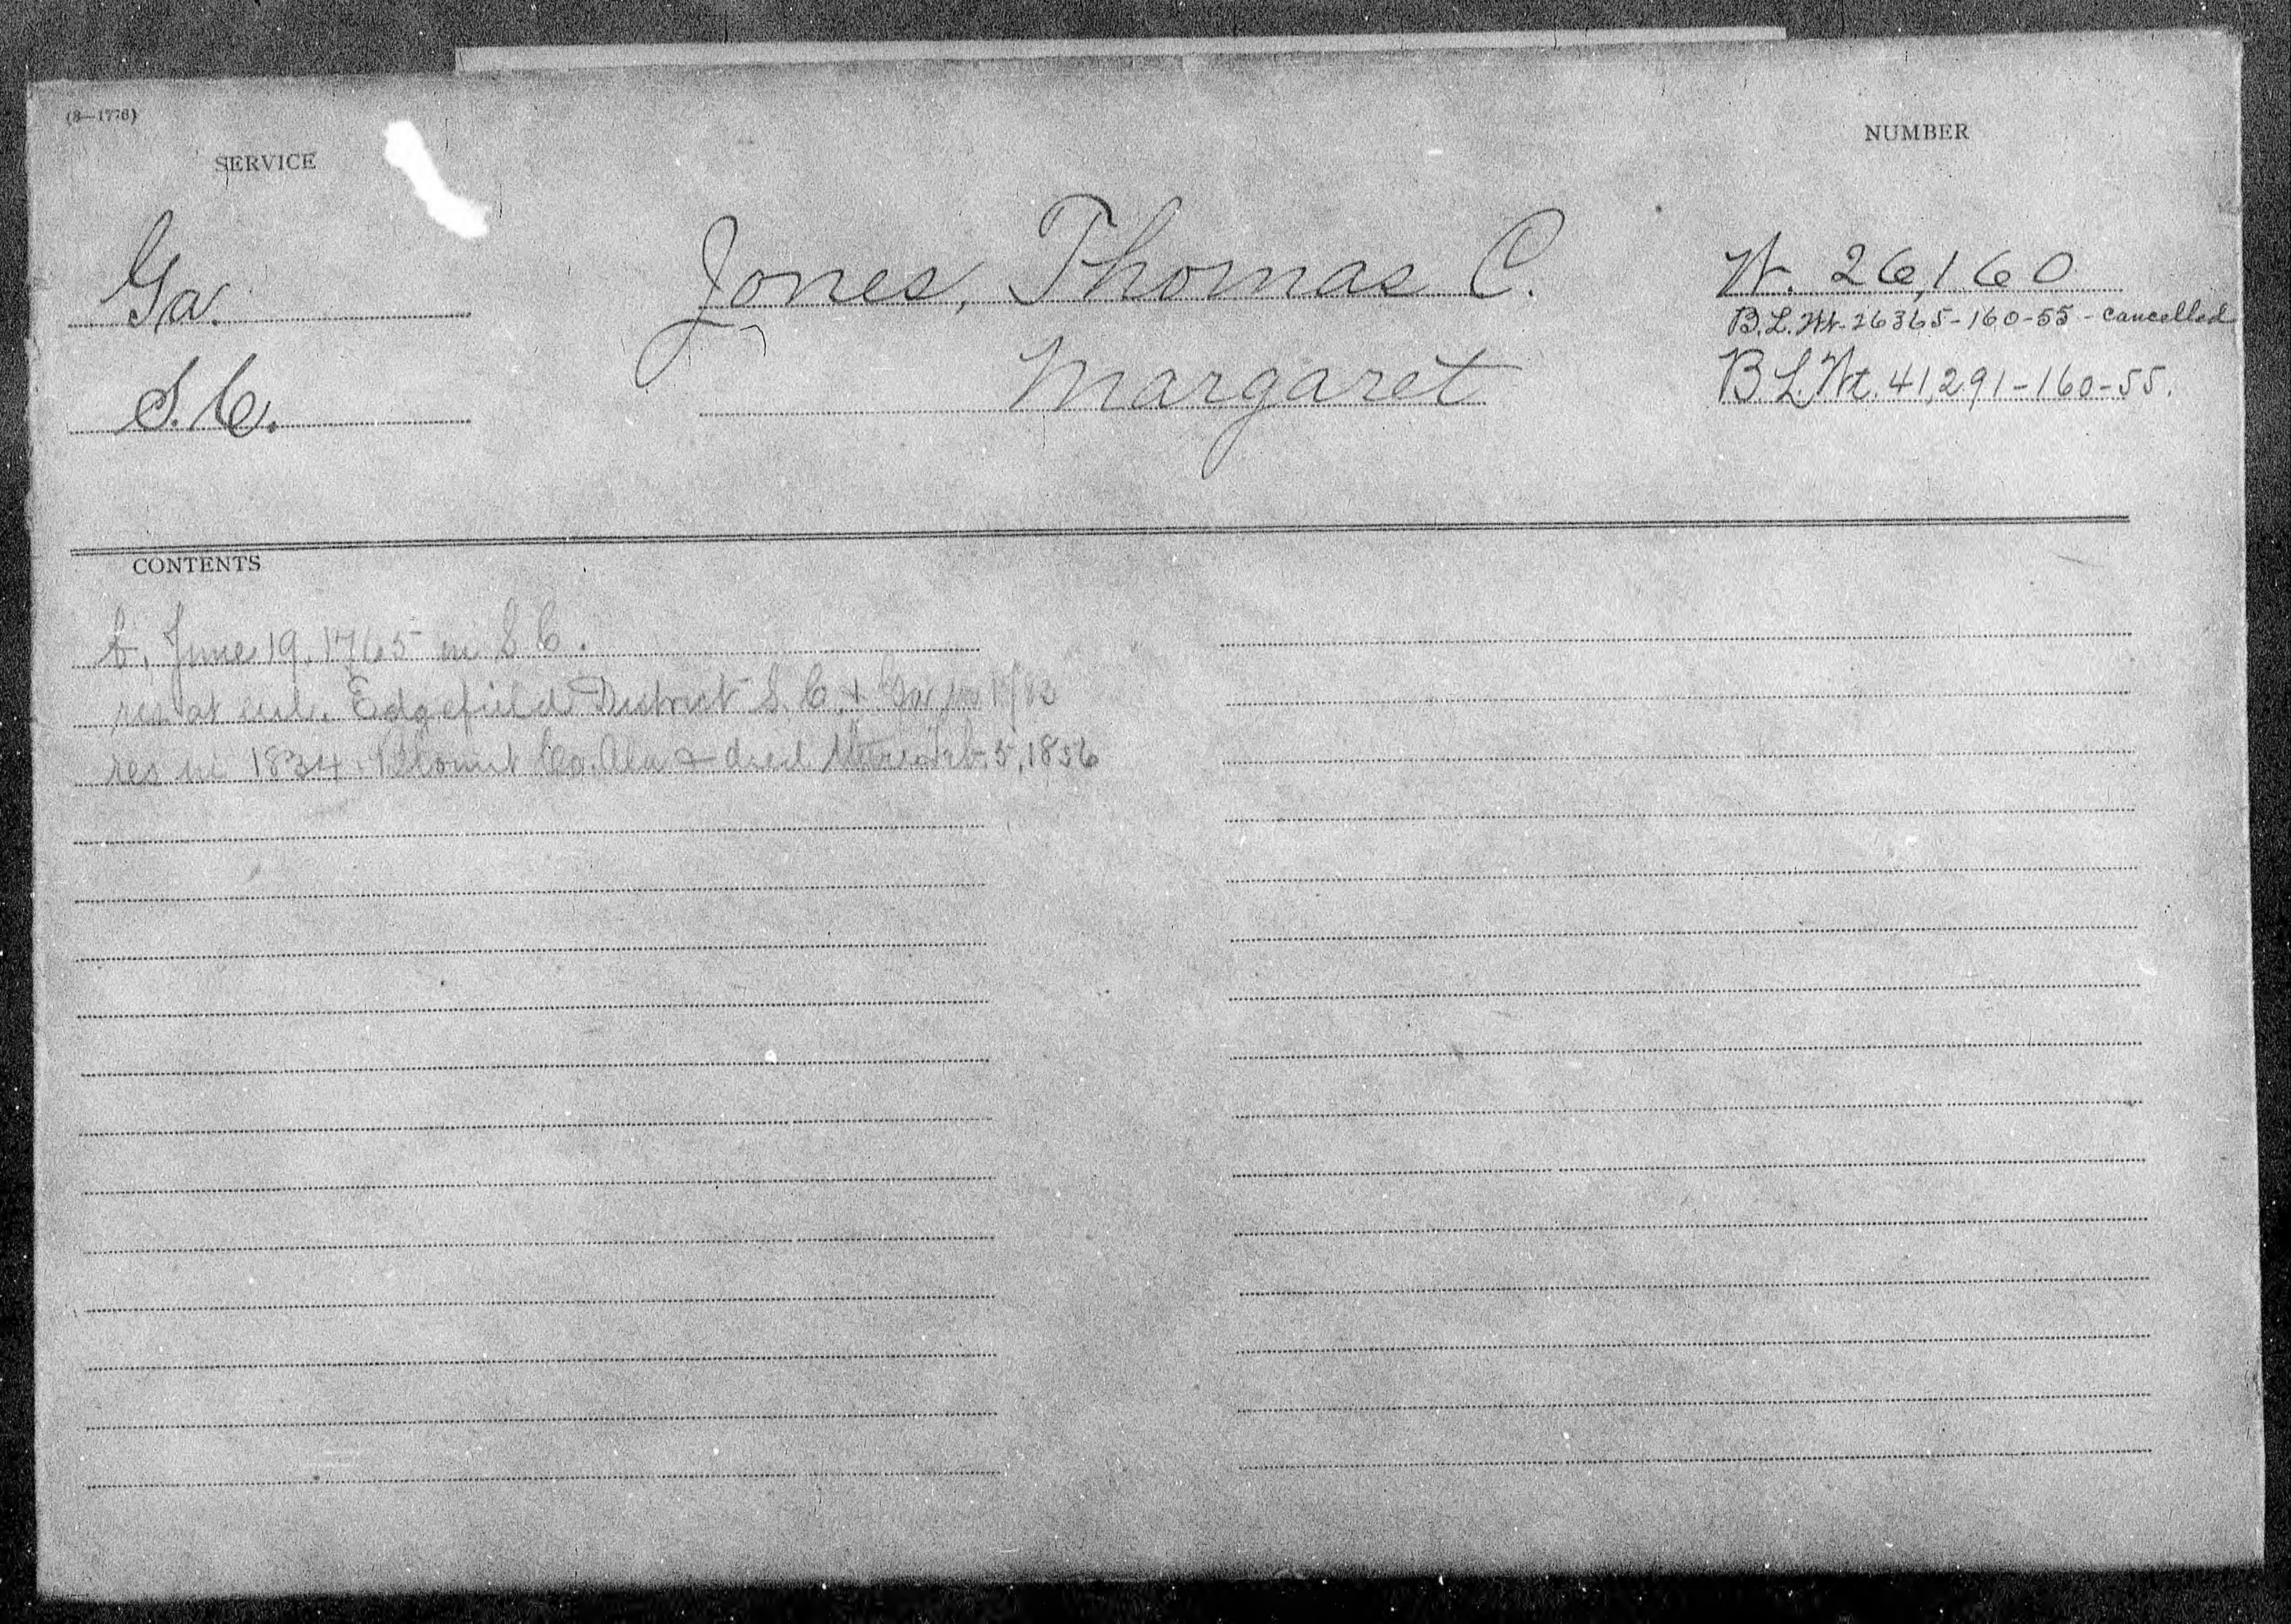Ga.        Jones, Thomas C.   W26160
S. C.                 Margaret     
BLW 26365-160-55 - cancelled
BLW 41291-160-55

b. June 19, 1765 in S. C.
res at [illegible] Edgefield District S. C. & Ga in 1782
res in 1834 Blount Co. Ala & died about Feb. 5, 1856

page: 1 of 45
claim: widow's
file: W. 26160, for Thomas C Jones, Georgia